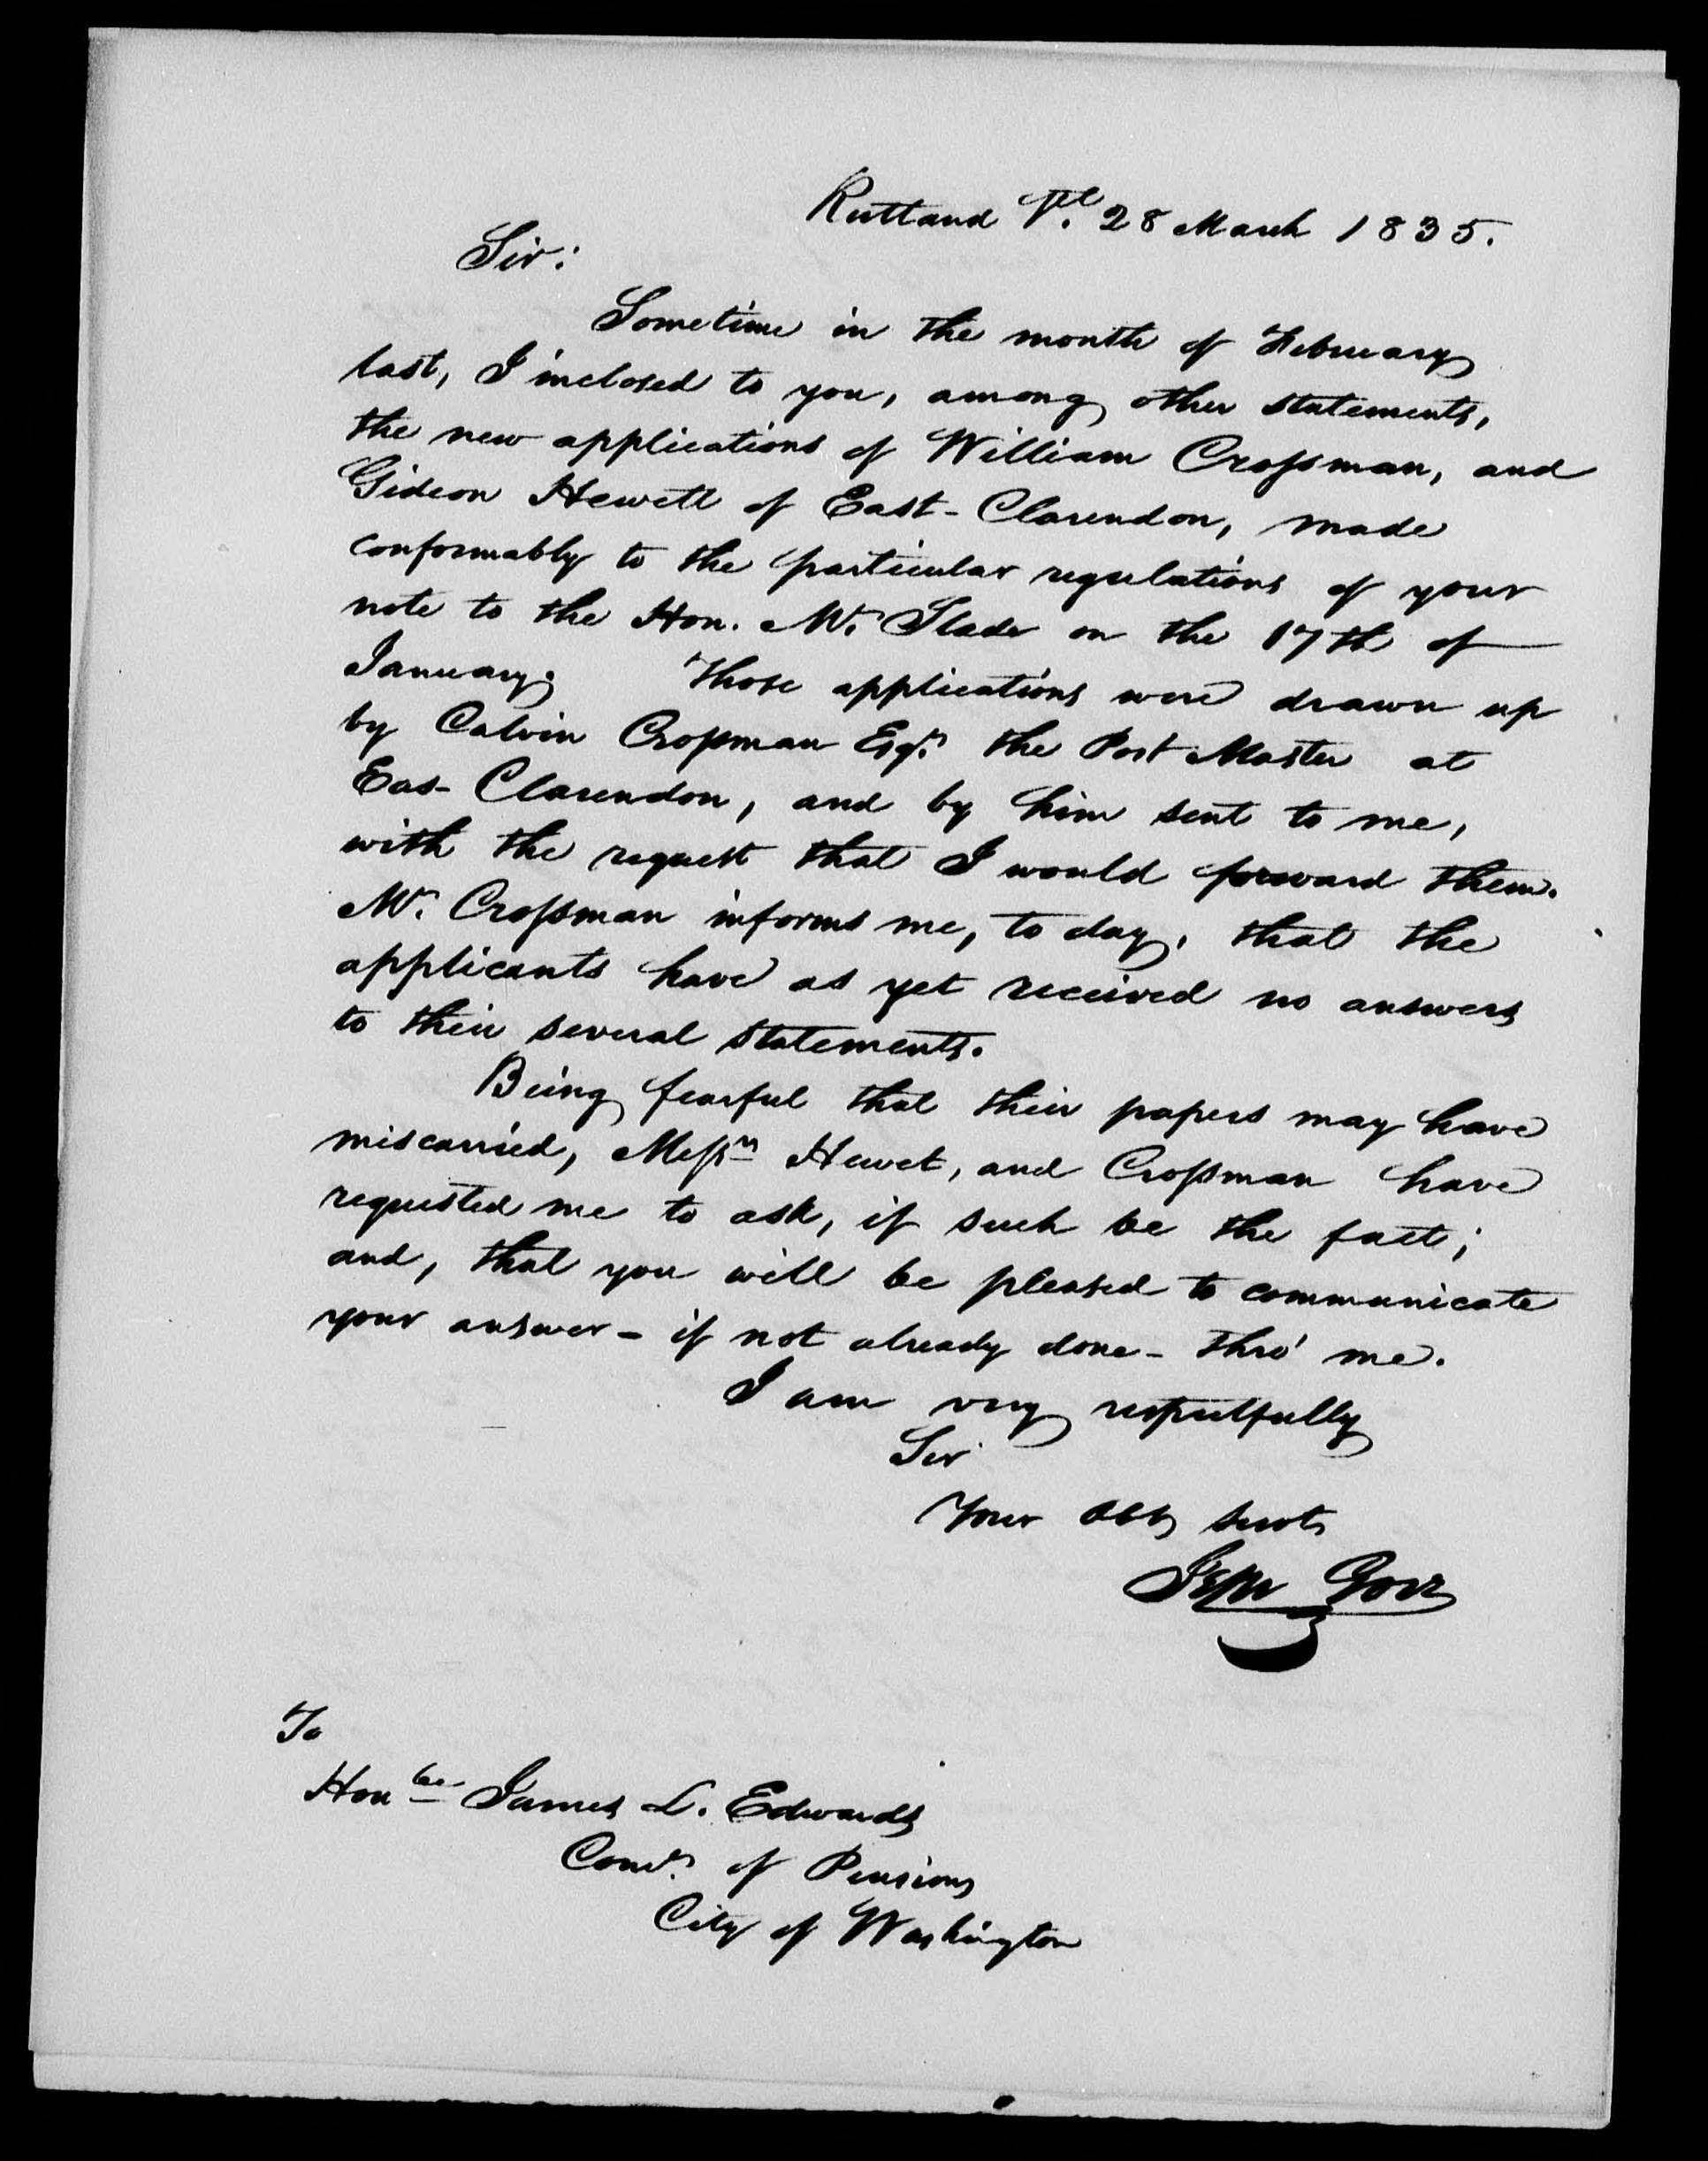[handwritten letter]
Rutland Vt. 28 March 1835.

Sir:
Sometime in the month of February last, I inclosed to you, among other statements, the new applications of William Crossman, and Gideon Hewett of East-Clarendon, made conformably to the particular regulations of your note to the Hone. W. Slade on the 17th of January. Those applications were drawn up by Calvin Crossman Esqr. the Post Master at Eas- Clarendon, and by him sent to me, with the request that I would forward them. W. Crossman informed me, today, that the applicants have as yet received no answers to their several statements.
Being fearful that their papers may have miscarried, Messr Hewet, and Crossman have requested me to ask, if such be the fact; and, that you will be pleased to communicate your answer - if not already done - thru me.
I am very respectfully Sir Your Obt Servt
/s/Jesse Gove

to 
Hon'ble James L. Edwards
Com'r of Pensions
City of Washington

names: Jesse Gove, Crossman, Slade, William Crossman, Calvin Crossman, James L Edwards, Crossman, Hewet, Gideon Hewett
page: 16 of 33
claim: survivor's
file: S. 12632, William Crossman, Mass. Vt.